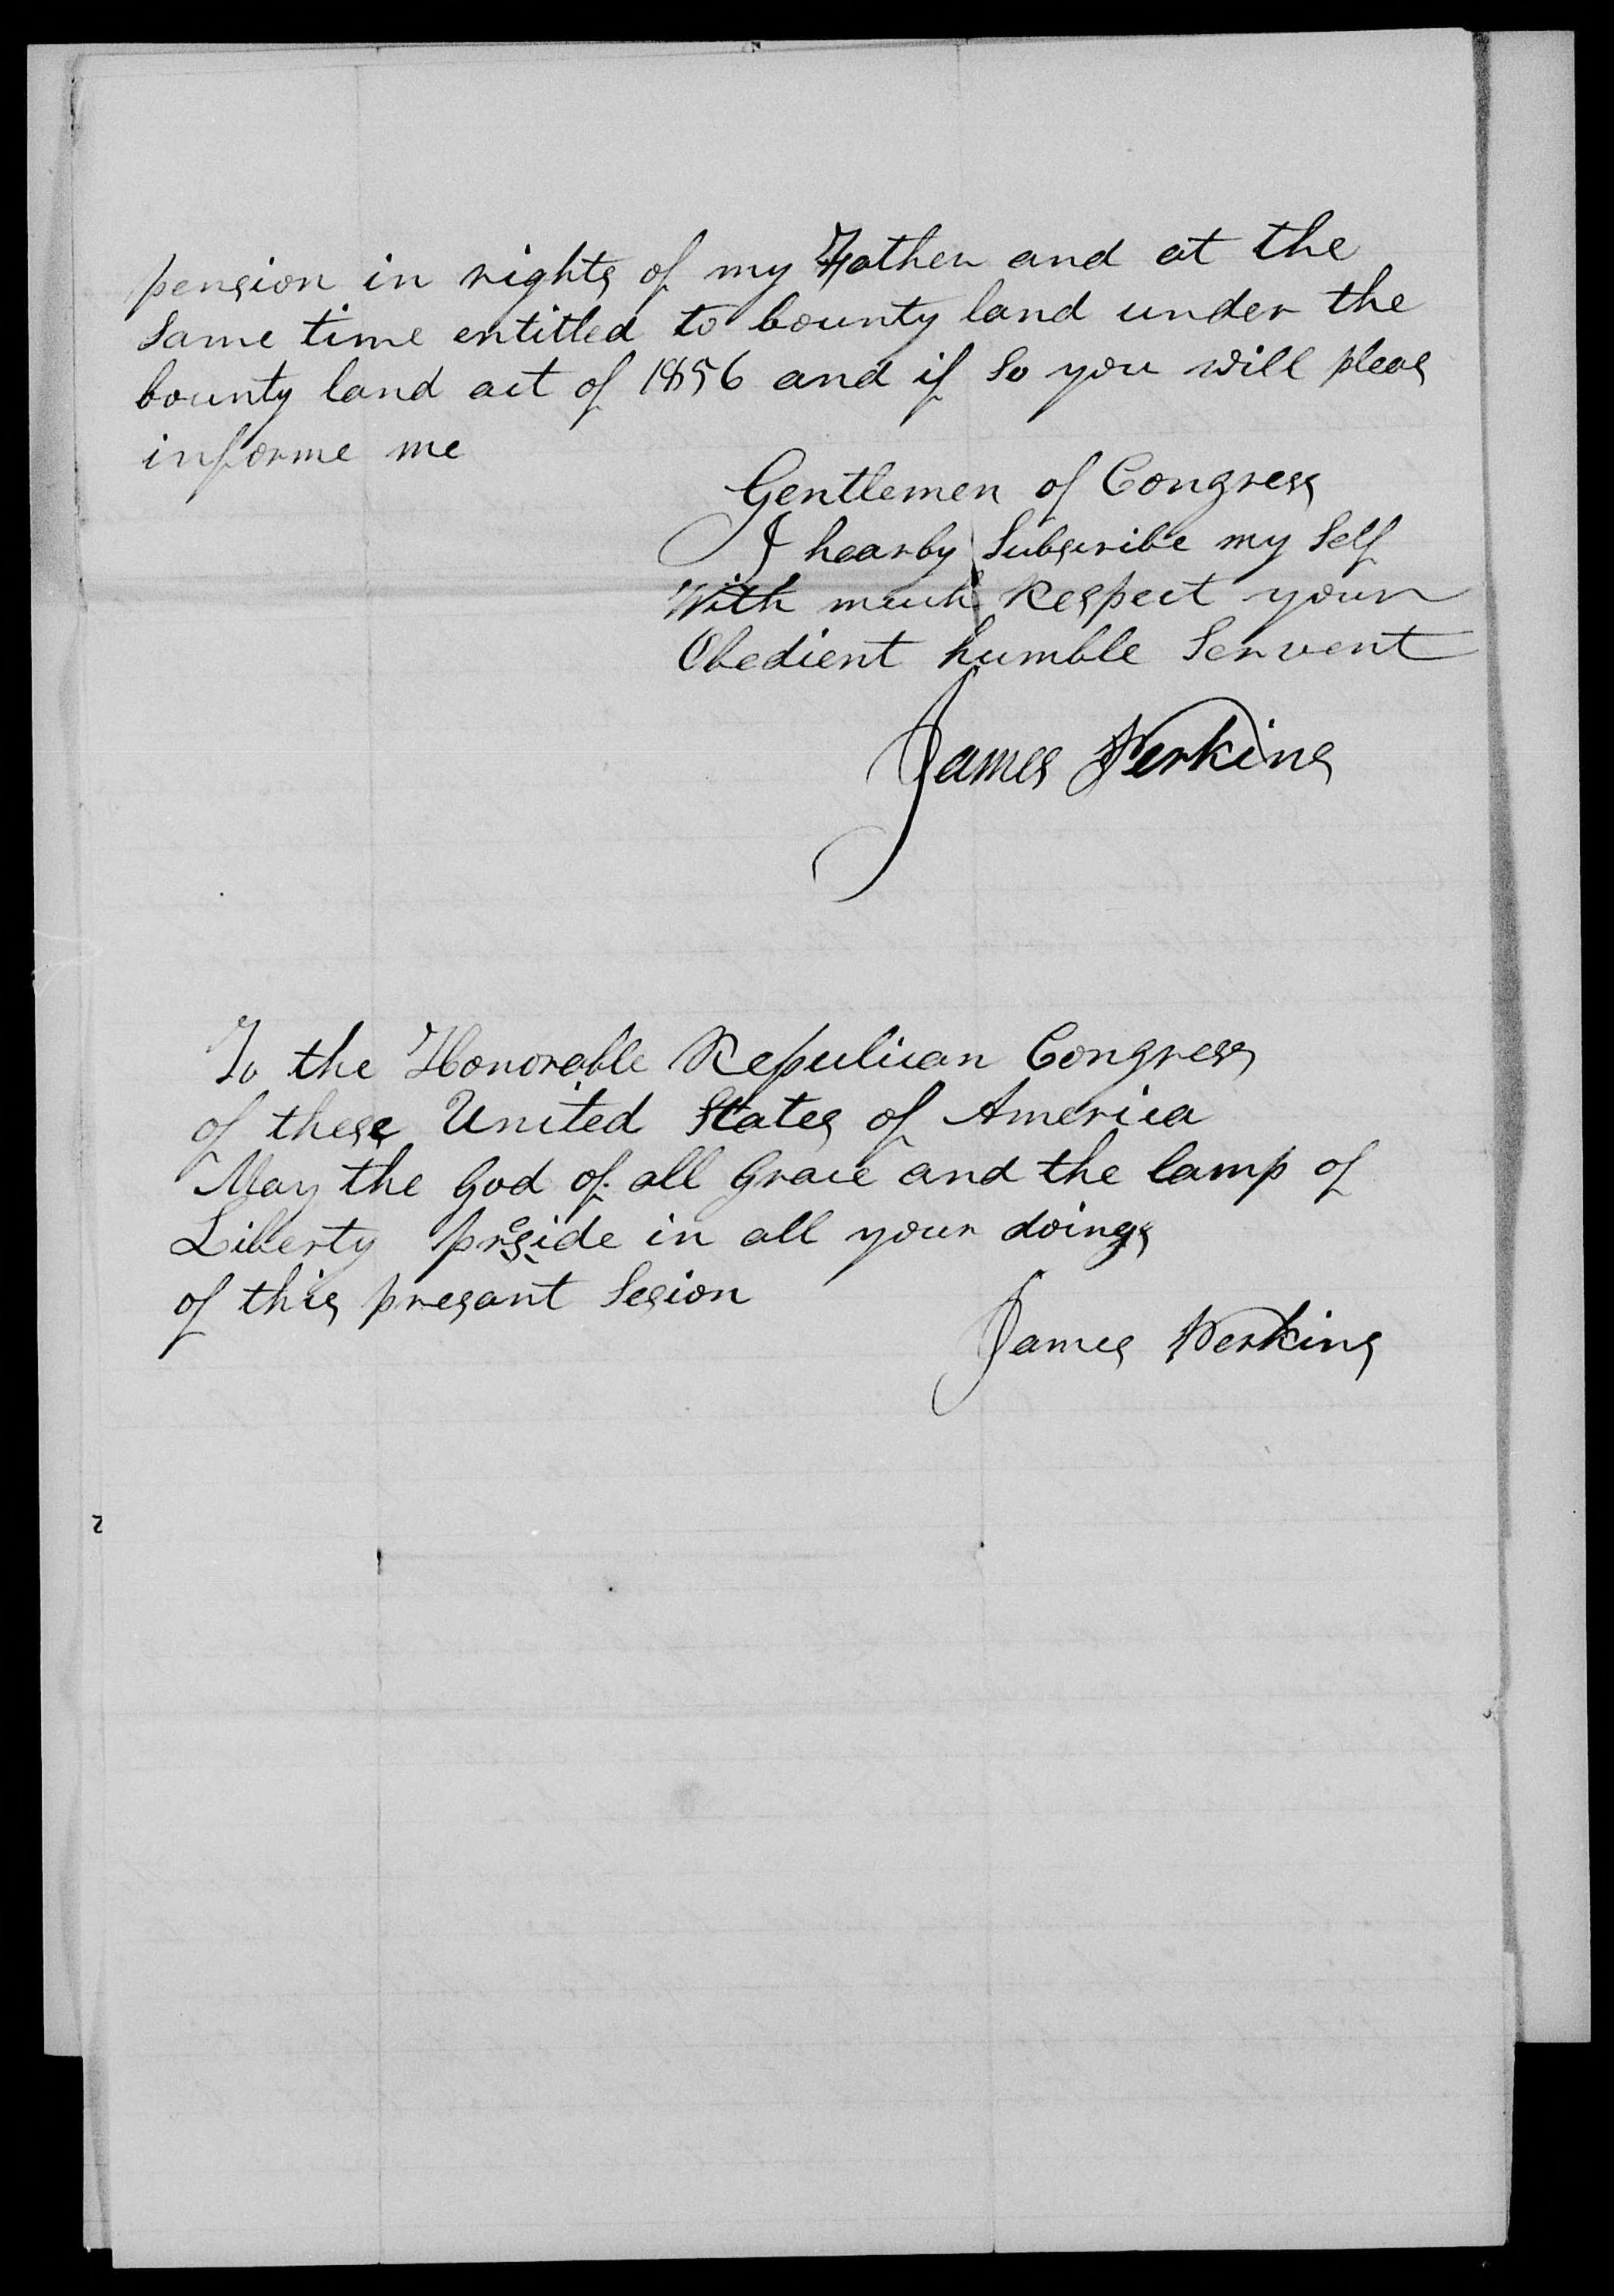pension in rights of my Father and at the same time entitled to bounty land under the bounty land act of 1856 and if so you will pleas informe me 
Gentlemen of Congress I hereby subscribe my self 
With much respect your Obedient humble Servent 
[signed] James Perkins 

To the Honorable Repulican Congress of these United States of America May the God of all grace and the lamp of Liberty preside in all your doings of this presant Sesion 
[signed] James Perkins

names: James Perkins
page: 44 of 44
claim: rejected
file: R. 17,033, for Joseph Perkins, New York